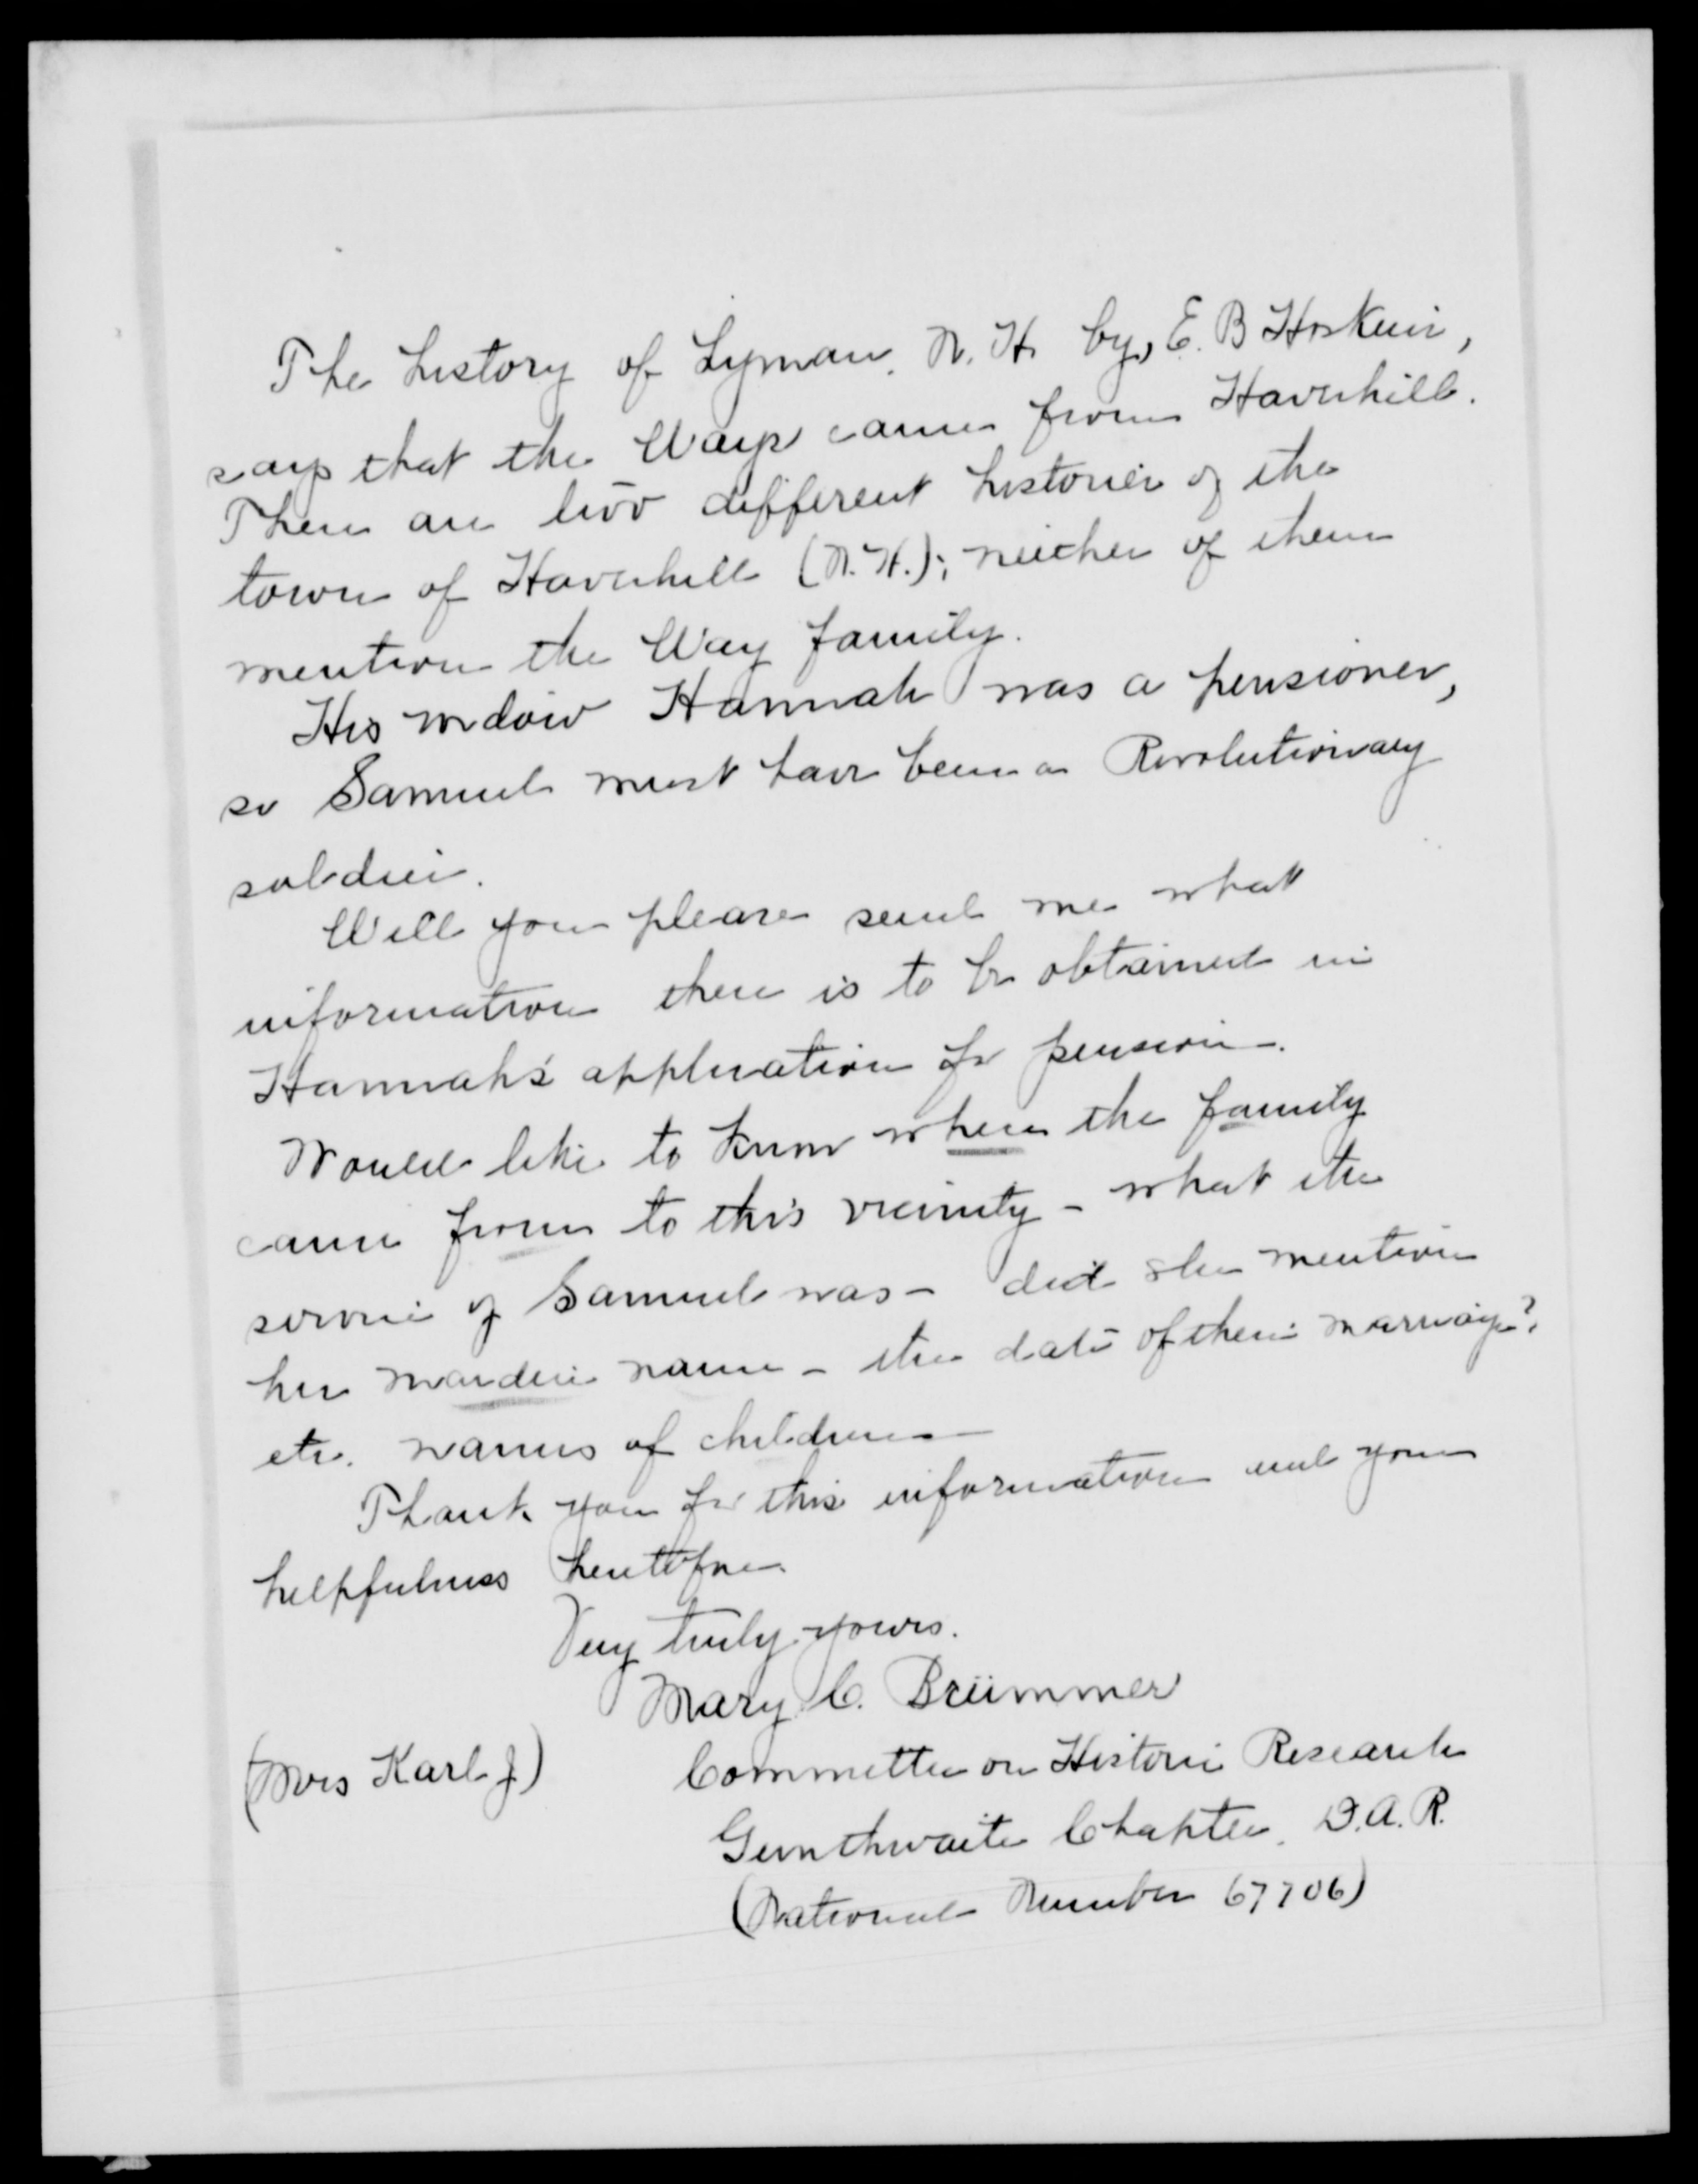The history of Lyman, N. H. by, E. B Hoskins
say that the Ways came from
Haverhill.
There are two different histories of the
town of Haverhill (N.H.), neither of them
mention the Way family.
His widow Hannah was a pensioner,
to Samuel must have been a Revolutionary
soldier.
Will you please send me
what
information there is to be obtained in
Hannah's application for pension.
Would like to him where the family
came
from to this vicinity-- what the
service of Samuel was-- did she mention
her maiden name, the date of their marriage
etc. names of children
Thank you for this information and your helpfulness heretofore
Very truly yours
Mary C. Brummer
(Mrs. Karl J)
Committee on Historic Research
Gunthwaite Chapter D.A.R.
(National Number 67706)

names: Karl J, Hannah, Mary C Brummer, Samuel, E B Hoskins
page: 72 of 78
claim: widow's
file: W. 25856, Samuel Way, N.H.